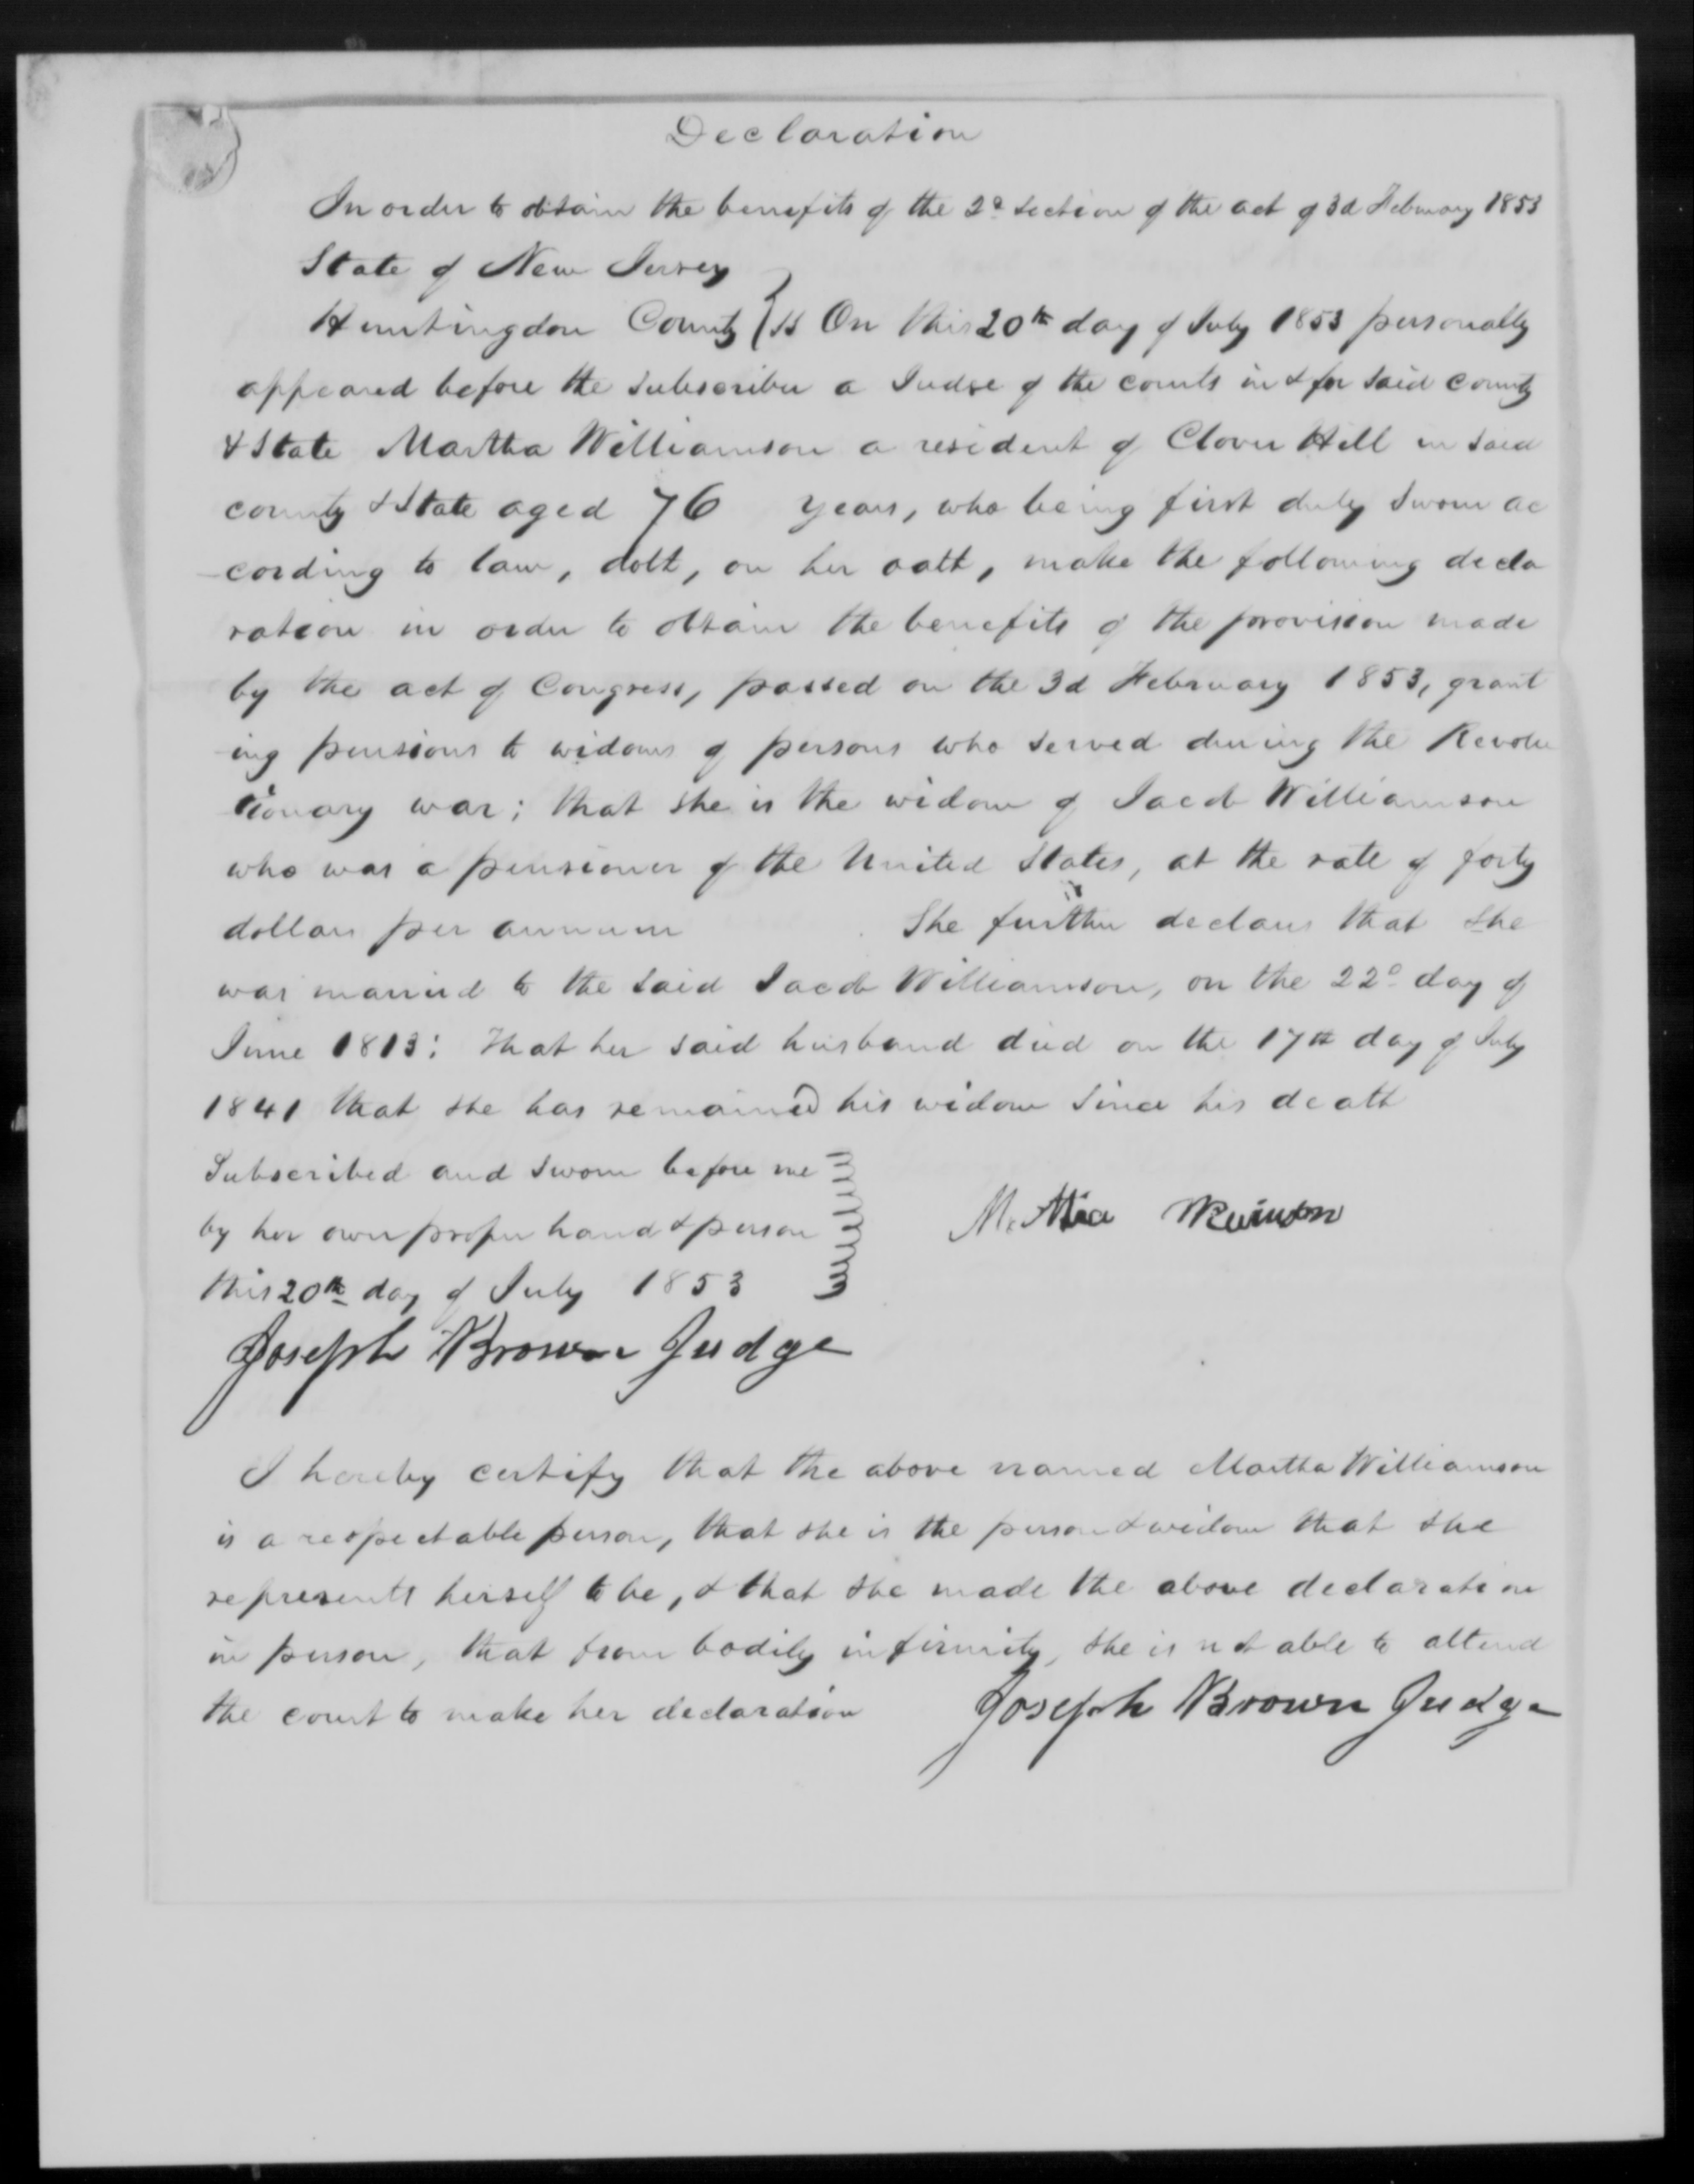Declaration
In order to obtain the benefits of the 2d Section of the act of 3d February 1858
State of New Jersey
Huntingdon County
				On this 20th day of July 1853 personally
appeared before the subscriber a Judge of the courts in & for the said county
& State Martha Williamson a resident of Clover Hill in said
county & State aged 76 years, who being first duly sworn ac
-cording to law, doth, on her oath, make the following decla
ration in order to obtain the benefits of the provision made
by the act of Congress, passed on the 3d February 1853, grant
pensions to widows of persons who served during the Revolu
tionary war; that she is the widow of Jacob Williamson
who was  pensioner of the United States, at the rate of forty
dollars per annum		She further declares that she
was married to the said Jacob Williamson, on the 22d day of
June 1813: That her said husband died on the 17th day of July
1841 that she has remained his widow since his death
Subscribed and sworn before me		Martha Williamson
by her own proper hand & person
this 20th day of July 1853
Joseph Brown Judge

I hereby certify that the above named Maratha Williamson
is a respectable person, that she is the person & widow that she
represents herself to be, & that she made the above declaration
in person, that from bodily infirmity she is not able to attend
the court to make her declaration	Joseph Brown Judge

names: Jacob Williamson, Joseph Brown, Martha Williamson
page: 3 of 67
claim: widow's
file: W. 2393, Jacob Williamson, New Jersey